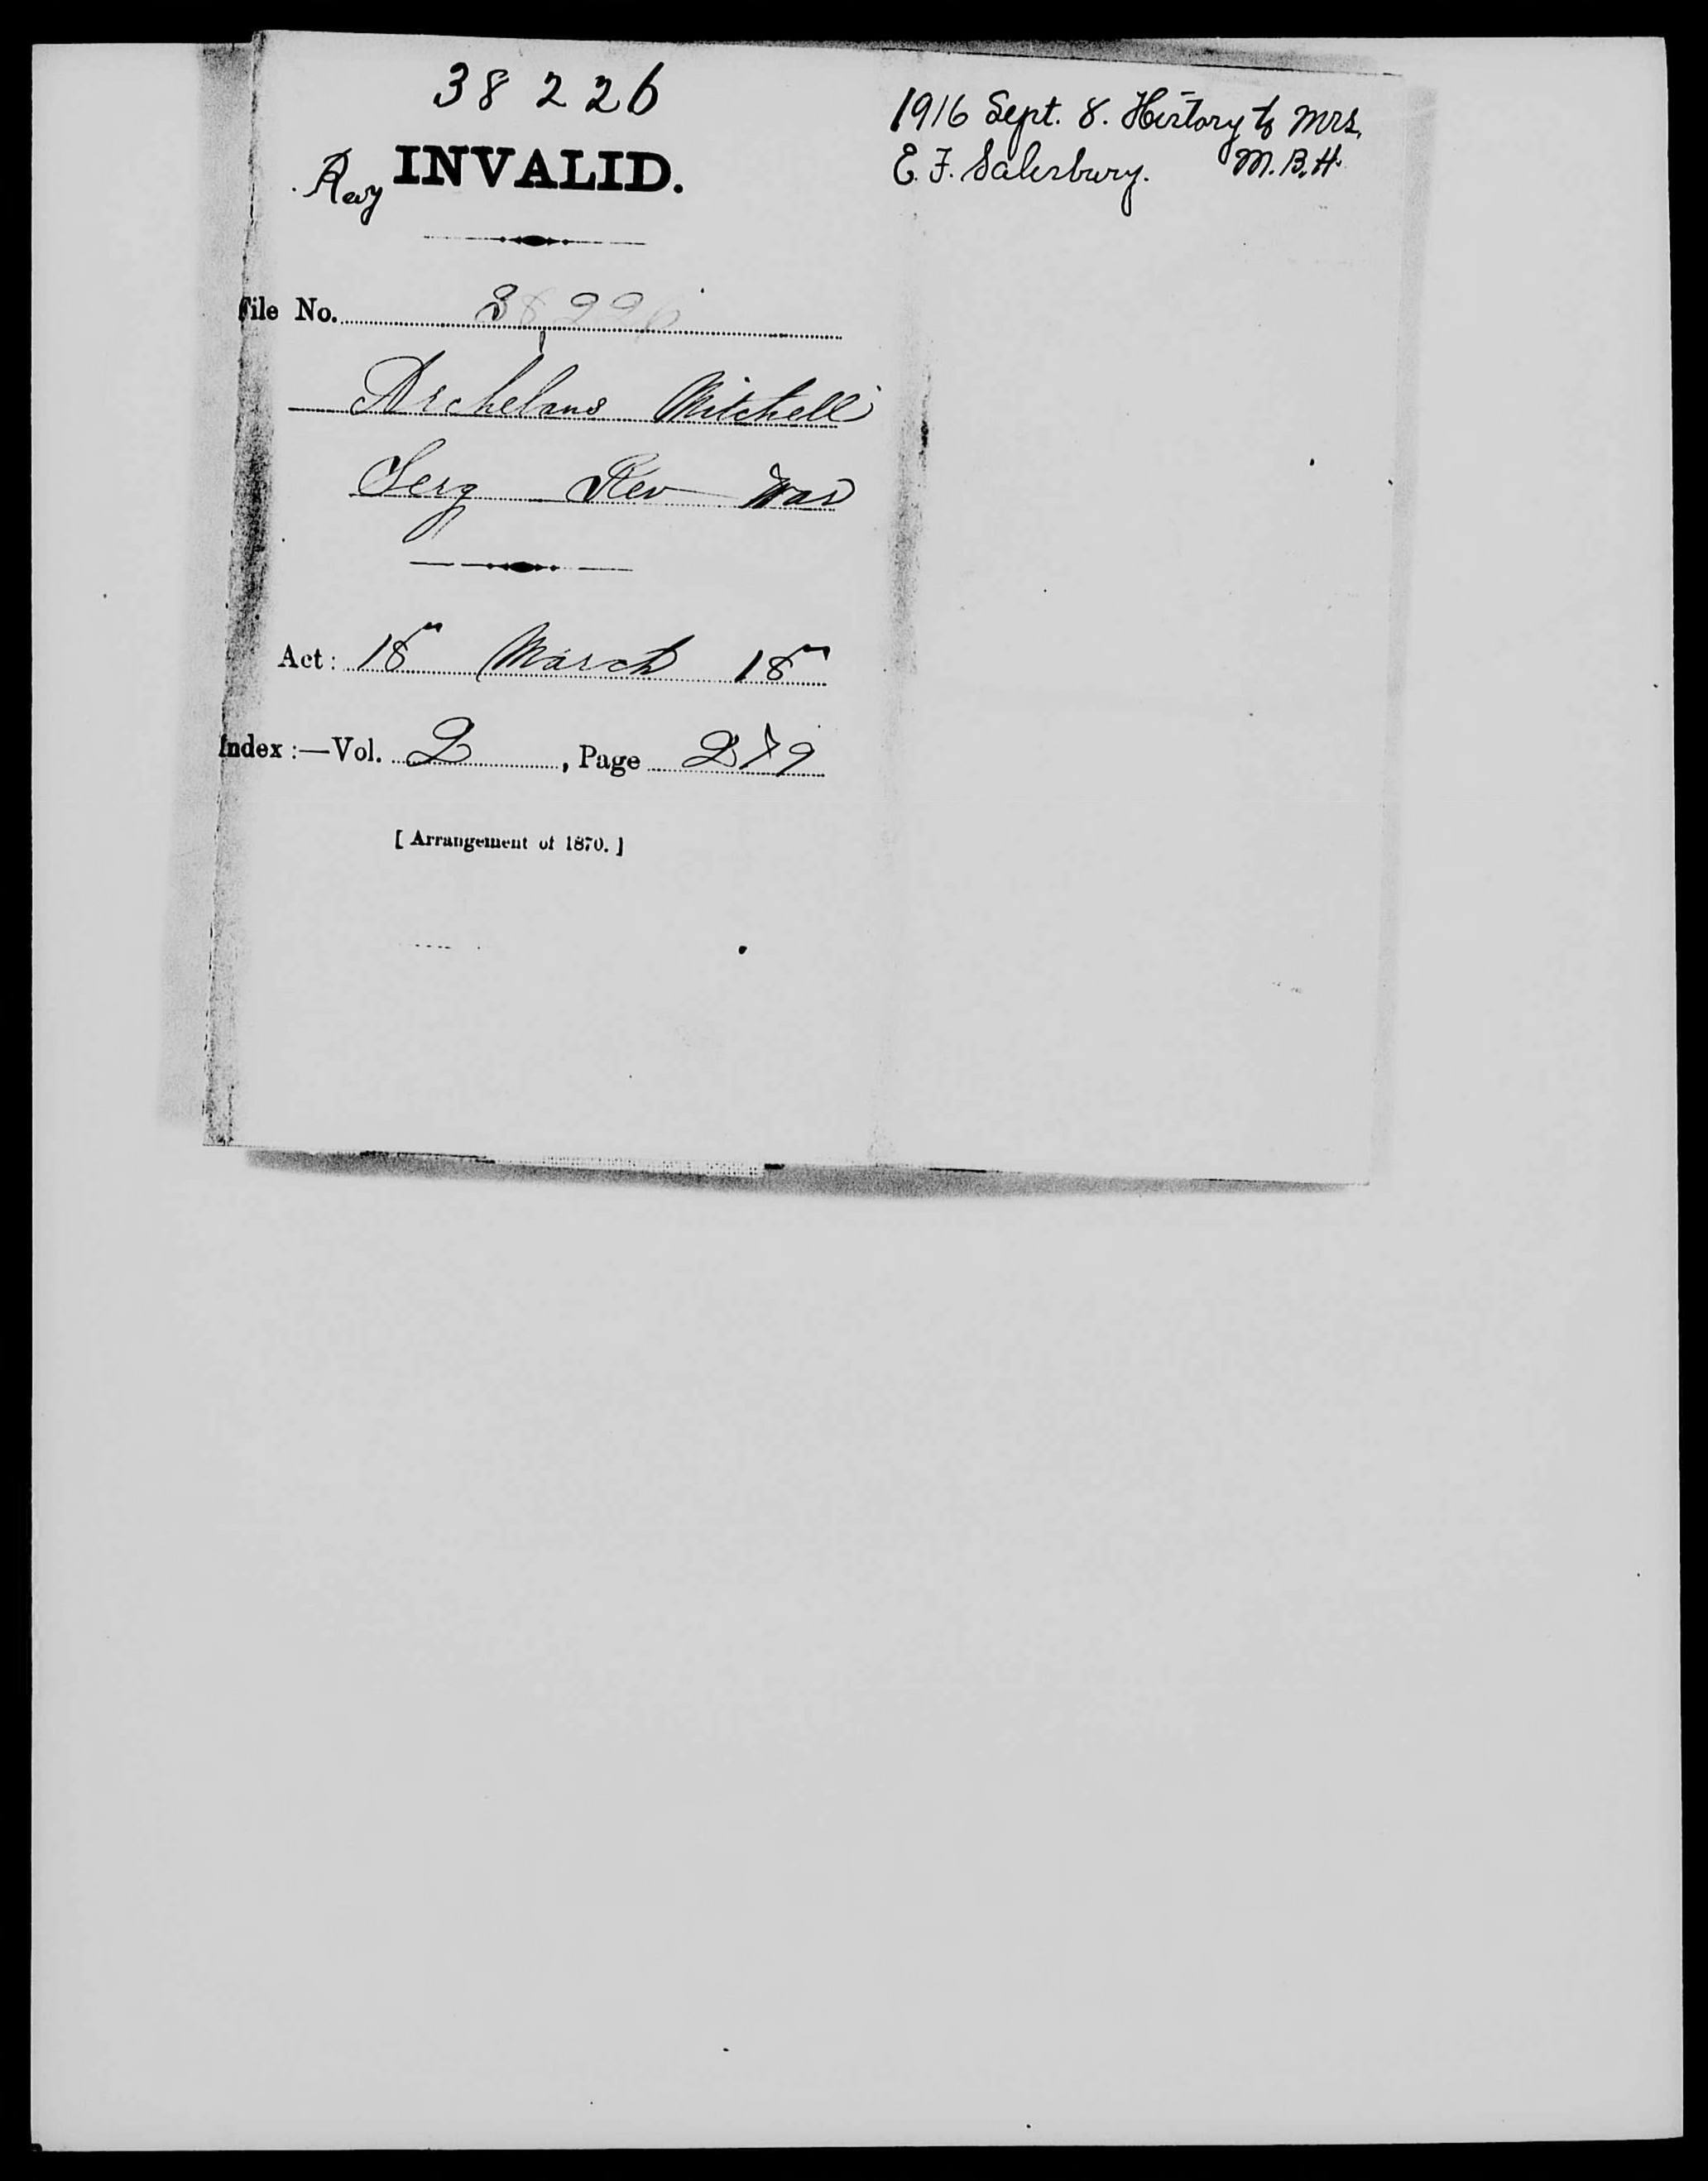38226

Revy
INVALID.

File No. 38,226
Archelaus Mitchell
Serg Rev War

Act: 18" March 18
Index:-Vol. 2, Page 279

[Arrangement of 1870.]

1916 Sept. 8. History to Mrs.
E. F. Salisbury.
M. B. H.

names: Archelaus Mitchell; E F Salesbury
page: 10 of 23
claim: survivor's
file: S. 38226, for Archelaus Mitchell, Virginia